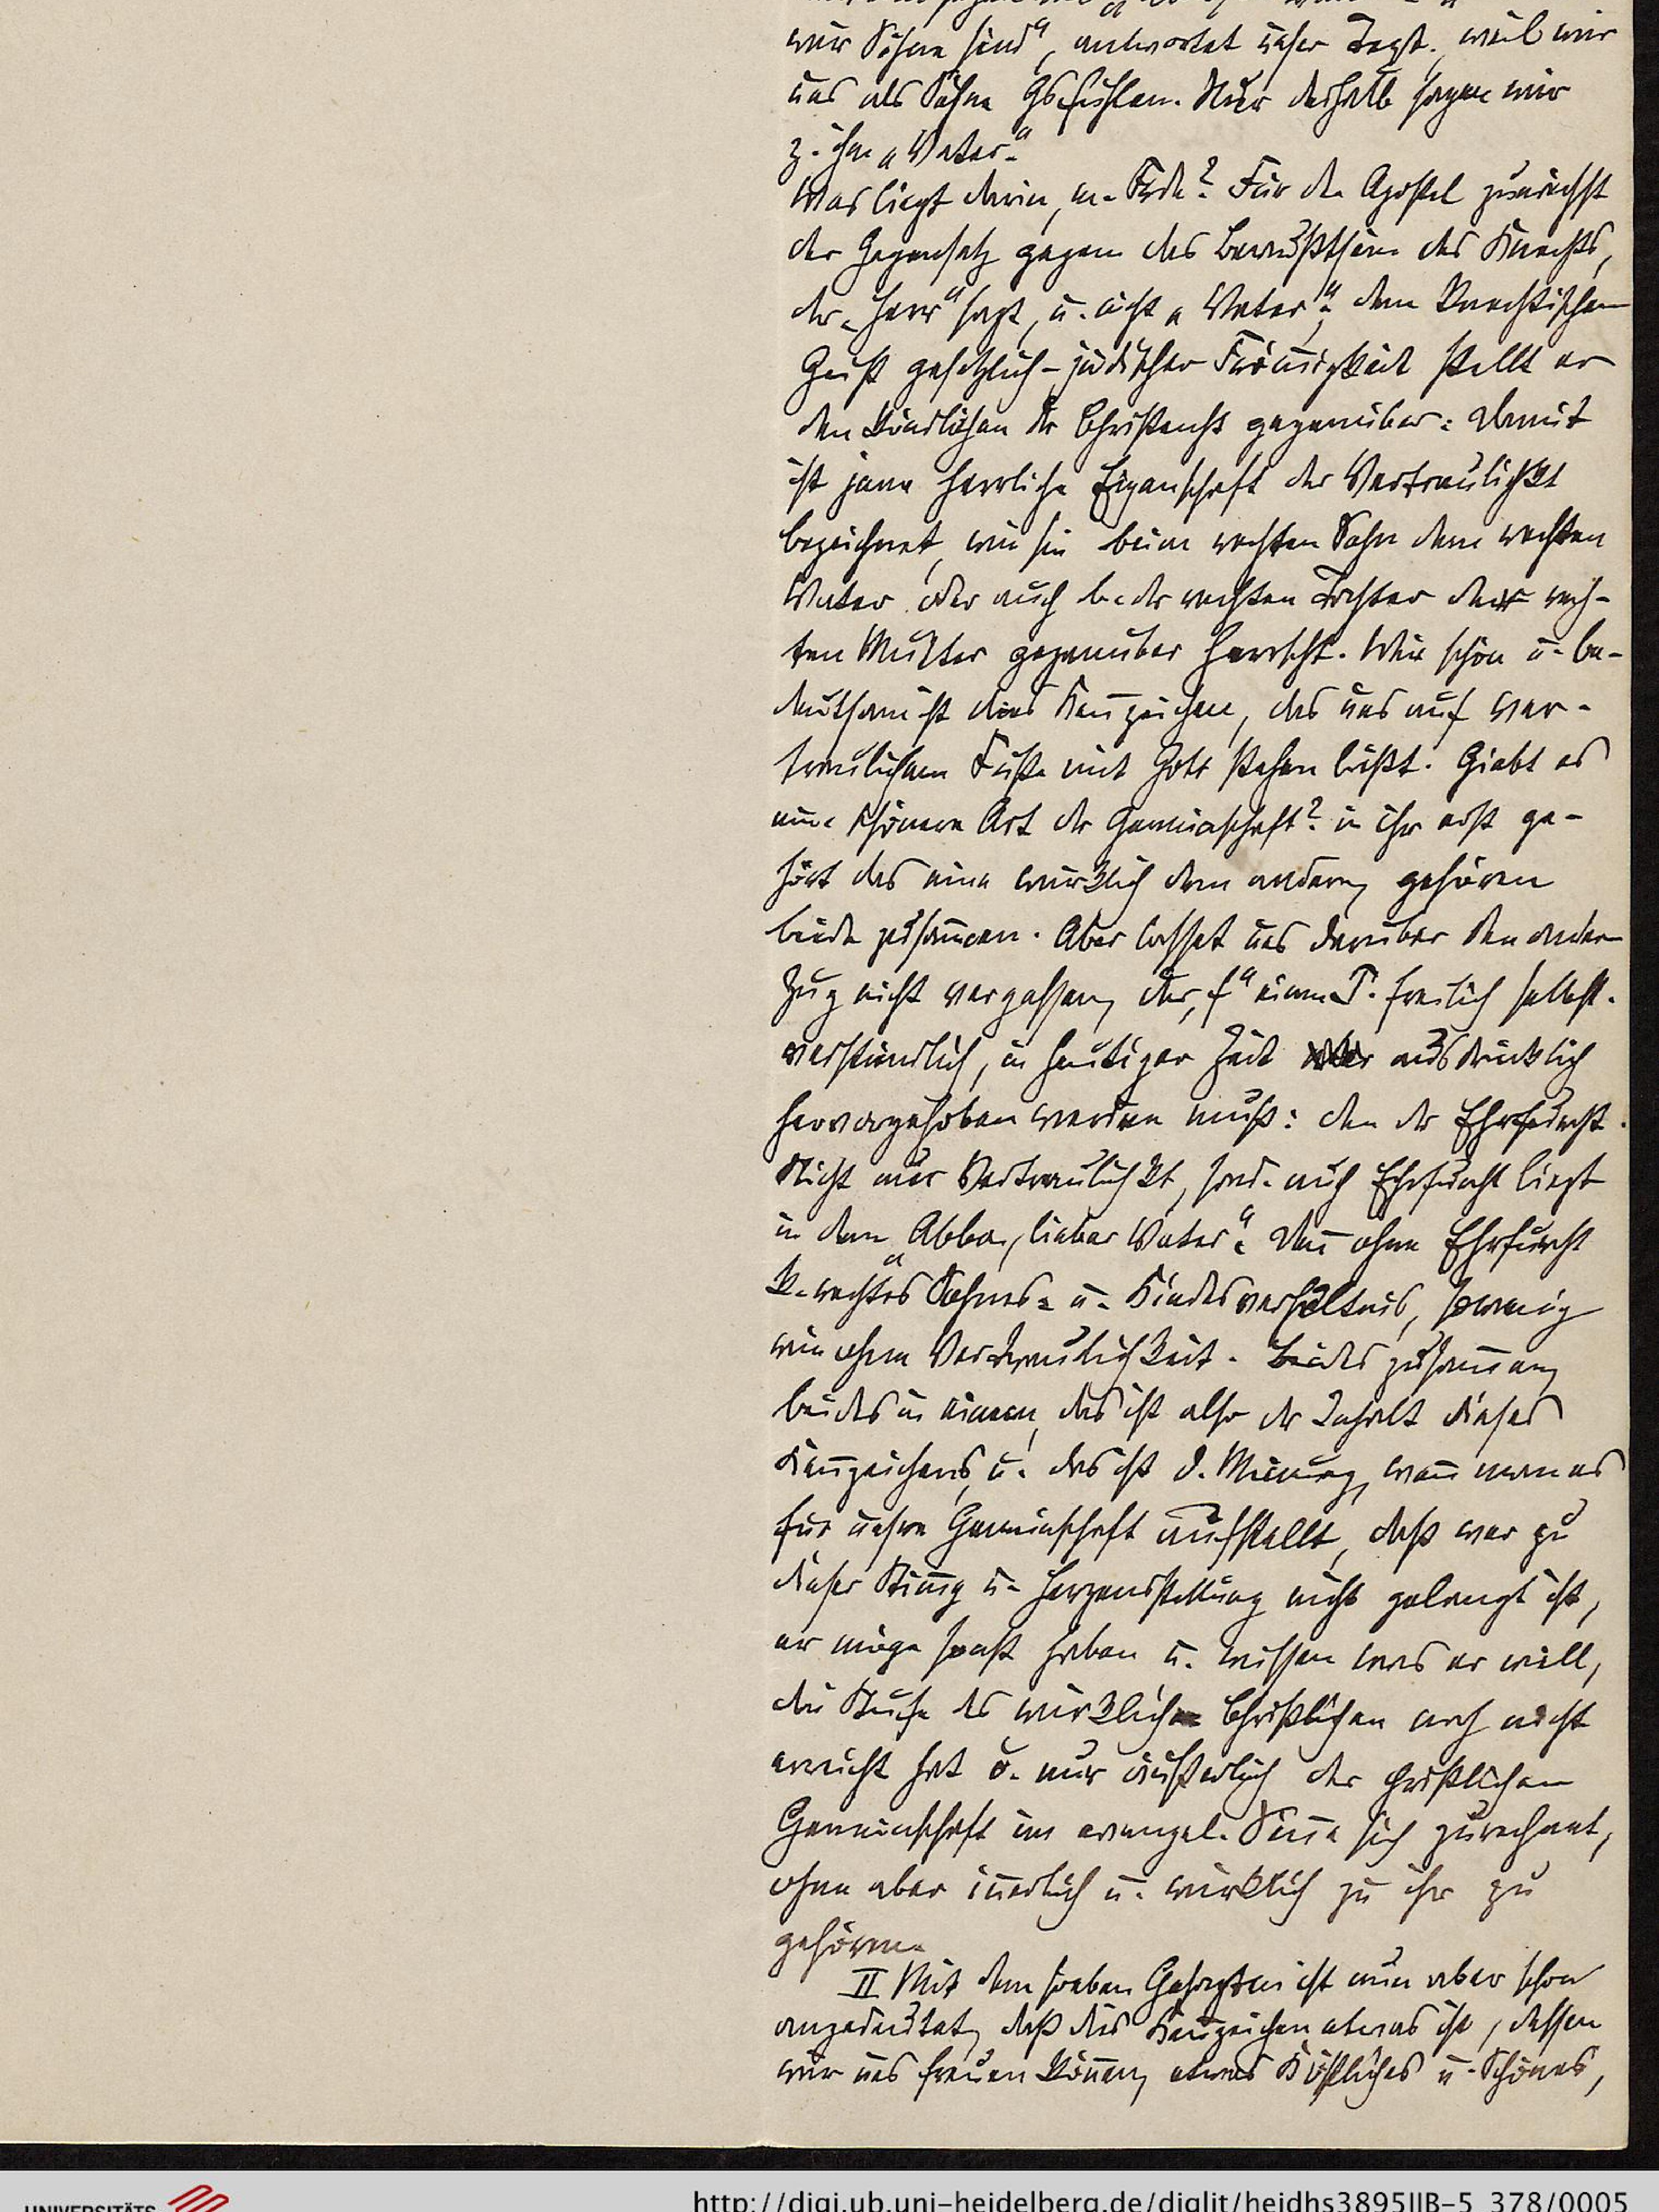wir Söhne sind" antwortet unser Text, weil wir
uns als Söhne Gs fülen. Nur deshalb sagen wir
z. ihm "Vater."
Was liegt darin, m. Frde? Für den Apostel zunächst
der Gegensatz gegen das Bewußtsein des Knechts,
der "Herr" sagt, u. nicht "Vater." dem knechtischen
Geist gesetzlich-jüdischer Frömigkeit stellt er
den kindlichen d. Christenht gegenüber: Damit
ist jene herrliche Eigenschaft der Vertraulichkt
bezeichnet, wie sie beim rechten Sohn dem rechten
Vater der auch bei der rechten Tochter der rech¬
ten Mutter gegenüber herrscht. Wie schön u. be¬
deutsam ist dieses Kenzeichen, das uns auf ver¬
traulichem Fuße mit Gott stehen läßt. Giebt es
eine schönere Art der Gemeinschaft? in ihr erst ge¬
hört das eine wirklich dem anderen, gehören
beide zusamen. Aber lasset uns darunter den andere
Zug nicht vergessen, der fü einen P. freilich selbst.
verständlich, in heutiger Zeit aber ausdrücklich
hervorgehoben werden muß: den der Ehrfurcht.
Nicht nur Vertraulichkeit, sond. auch Ehrfurcht liegt
in dem "Abba, lieber Vater." Den ohne Ehrfurcht
kein rechtes Sohns- un Kindsverhältnis, sowenig
wie ohne Vertraulichkeit. Beides zusammen,
beides in einem, das ist also der Inhalt dieses
Kenzeichens, u. das ist d. Meinung, wenn man es
für unsre Gemeinschaft aufstellt, daß wer zu
dieser Stimng u. Herzensstellung nicht gelangt ist,
er möge sonst haben u. wissen was er will,
die Stufe des wirklichen Christlichen noch nicht
erreicht hat u. nur äußerlich der christlichen
Gemeinschaft in evangel. Sine sich gerechnet
ohne aber innerlich u. wirklich zu ihr zu
gehören.
II Mit dem soeben Gesagten ist nun aber schon
angedeutet, daß dies Kenzeichen etwas ist, dessen
wir uns freuen kömen, was Kösliches u. Schönes